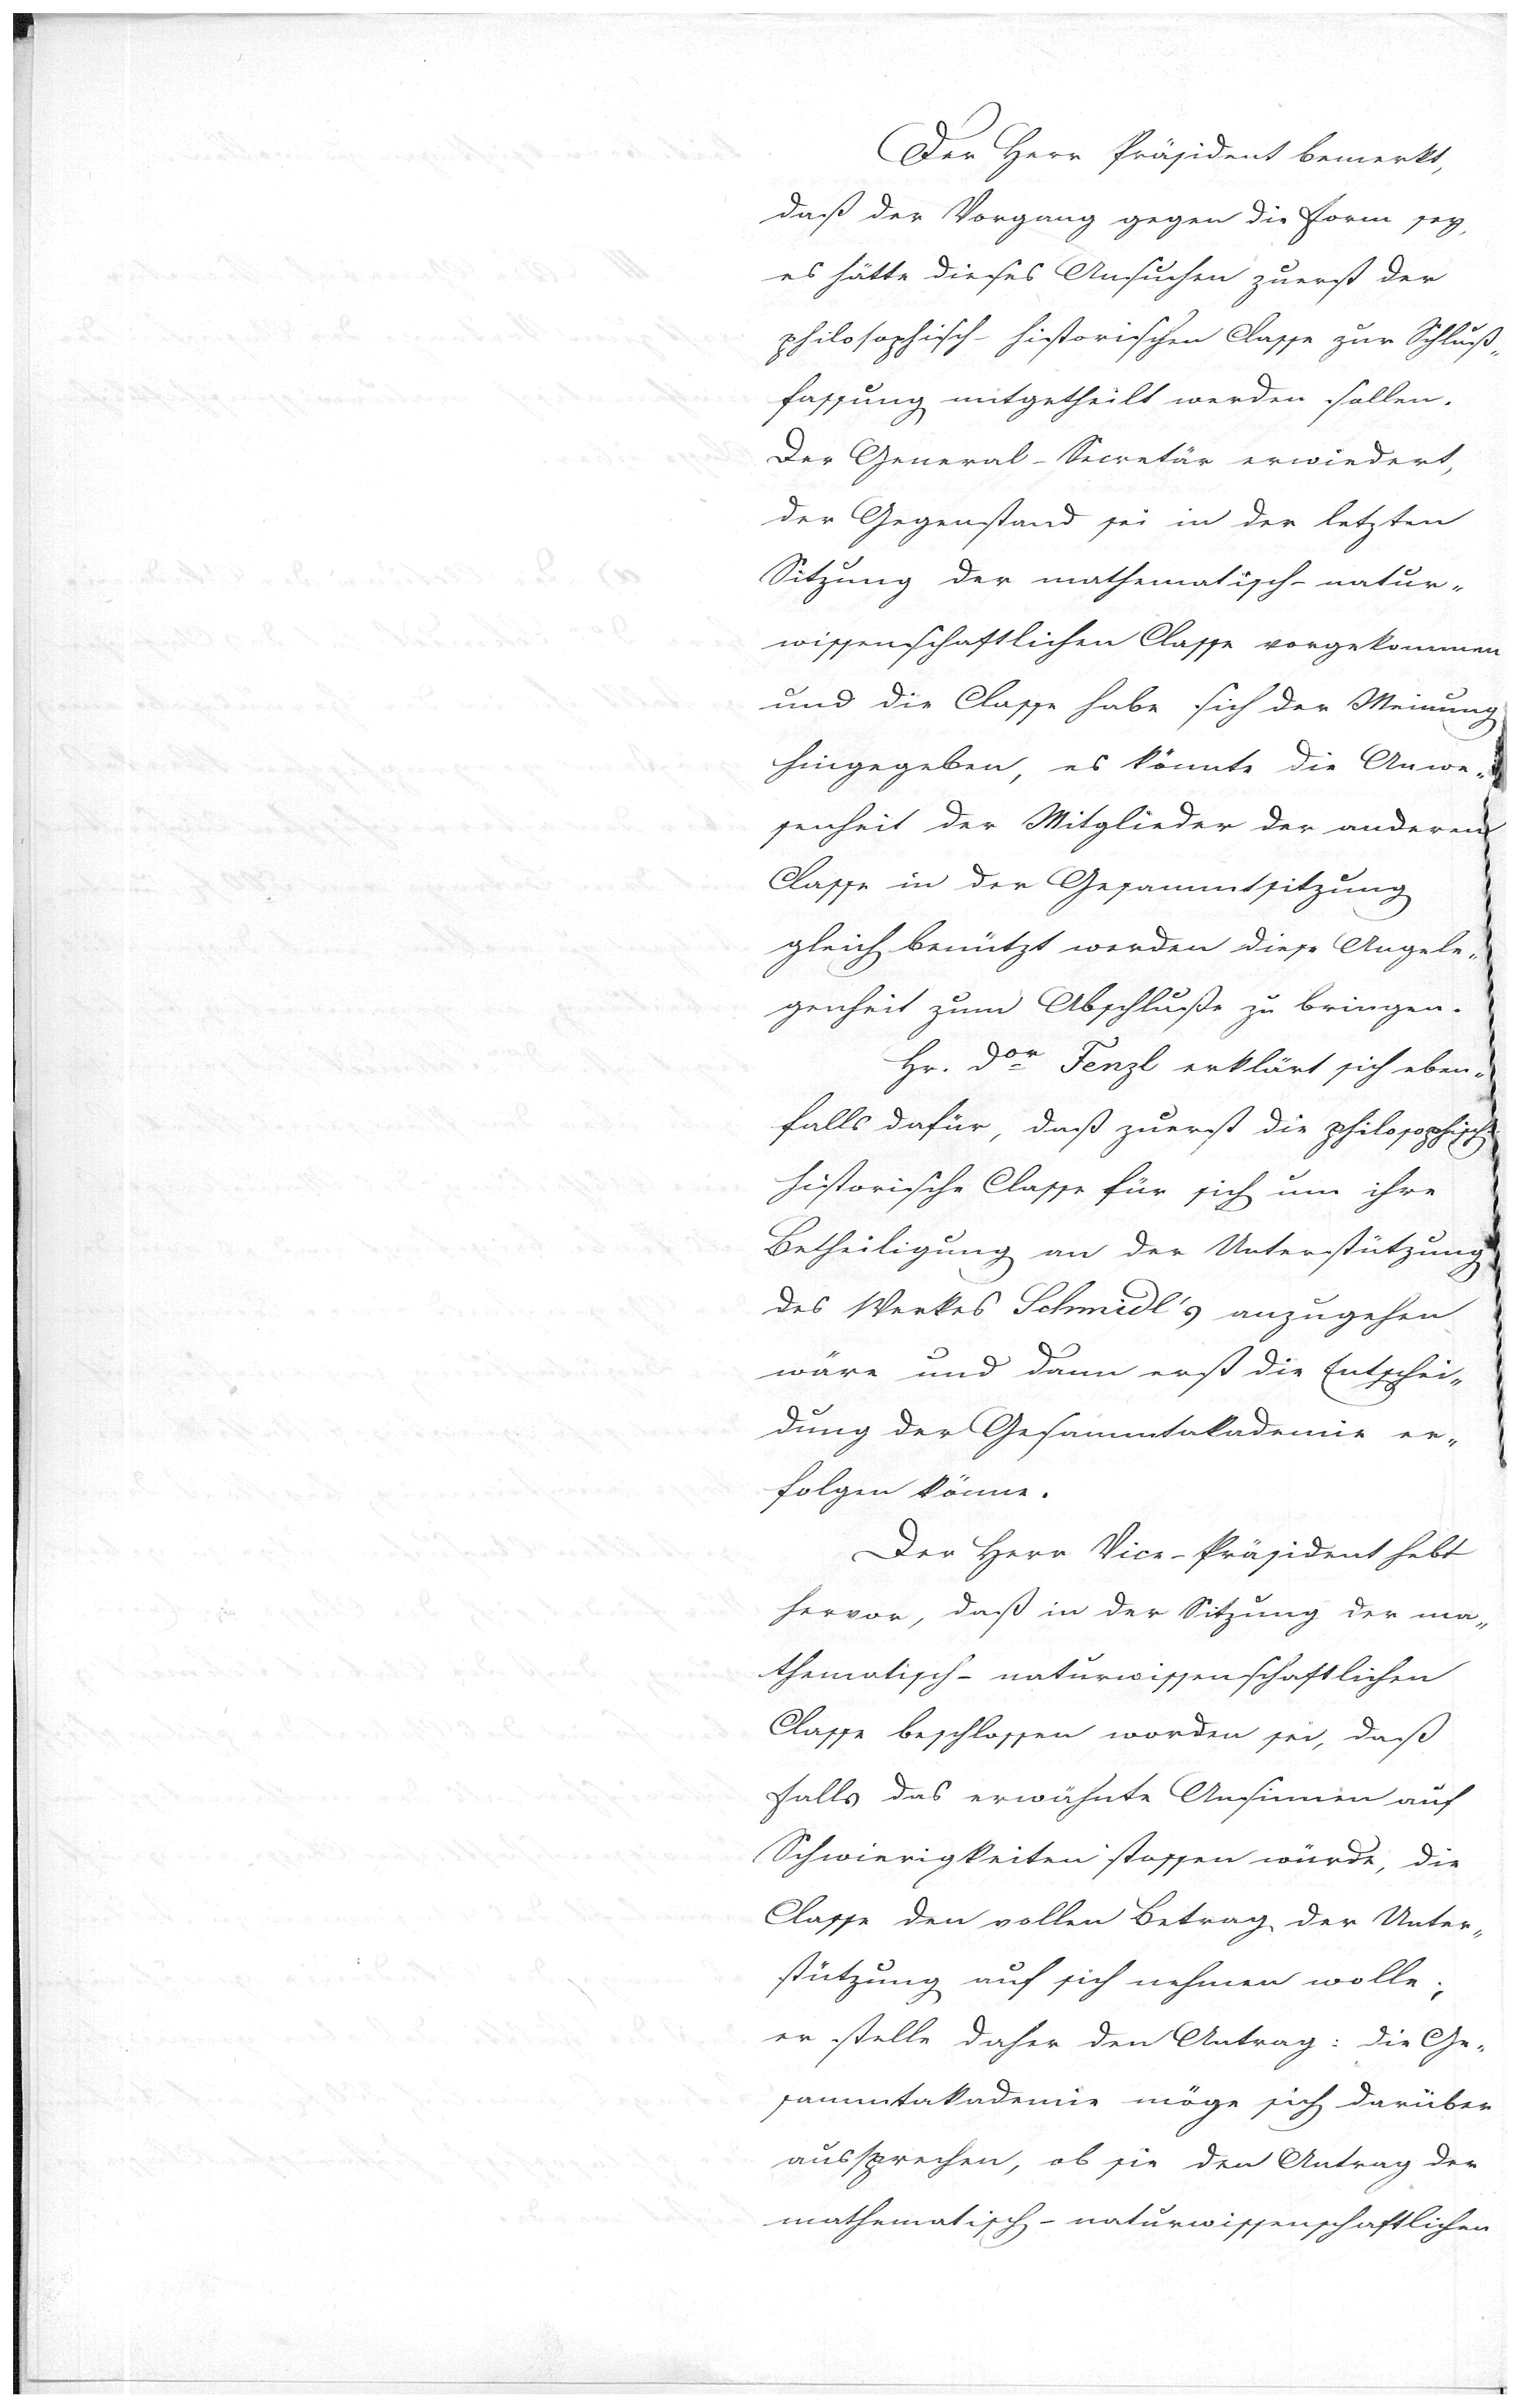Der Herr Präsident bemerkt,
daß der Vorgang gegen die Form sey,
es hätte dieses Ansuchen zuerst der
philosophisch-historischen Classe zur Schluß-
fassung mitgetheilt werden sollen.
Der General-Secretär erwidert,
der Gegenstand sey in der letzten
Sitzung der mathematisch-natur-
wissenschaftlichen Classe vorgekommen
und die Classe habe sich der Meinung
hingegeben, es könnte die Anwe-
senheit der Mitglieder der anderen
Classe in der Gesammtsitzung
gleich benützt werden diese Angele-
genheit zum Abschluße zu bringen.
Hr. Dor Fenzl erklärt sich eben-
falls dafür, daß zuerst die philosophisch-
historische Classe für sich um ihre
Betheiligung an der Unterstützung
des Werkes Schmidl's anzugehen
wäre und denn erst die Entschei-
dung der Gesammtakademie er-
folgen könne.
Der Herr Vice-Präsident hebt
hervor, daß in der Sitzung der ma-
thematisch-naturwissenschaftlichen
Classe beschlossen worden sei, daß
falls das erwähnte Ansinnen auf
Schwierigkeiten stossen würde, die
Classe den vollen Betrag der Unter-
stützung auf sich nehmen wolle;
er stelle daher den Antrag: Die Ge-
sammtakademie möge sich darüber
aussprechen, ob sie den Antrag der
mathematisch-naturwissenschaftlichen